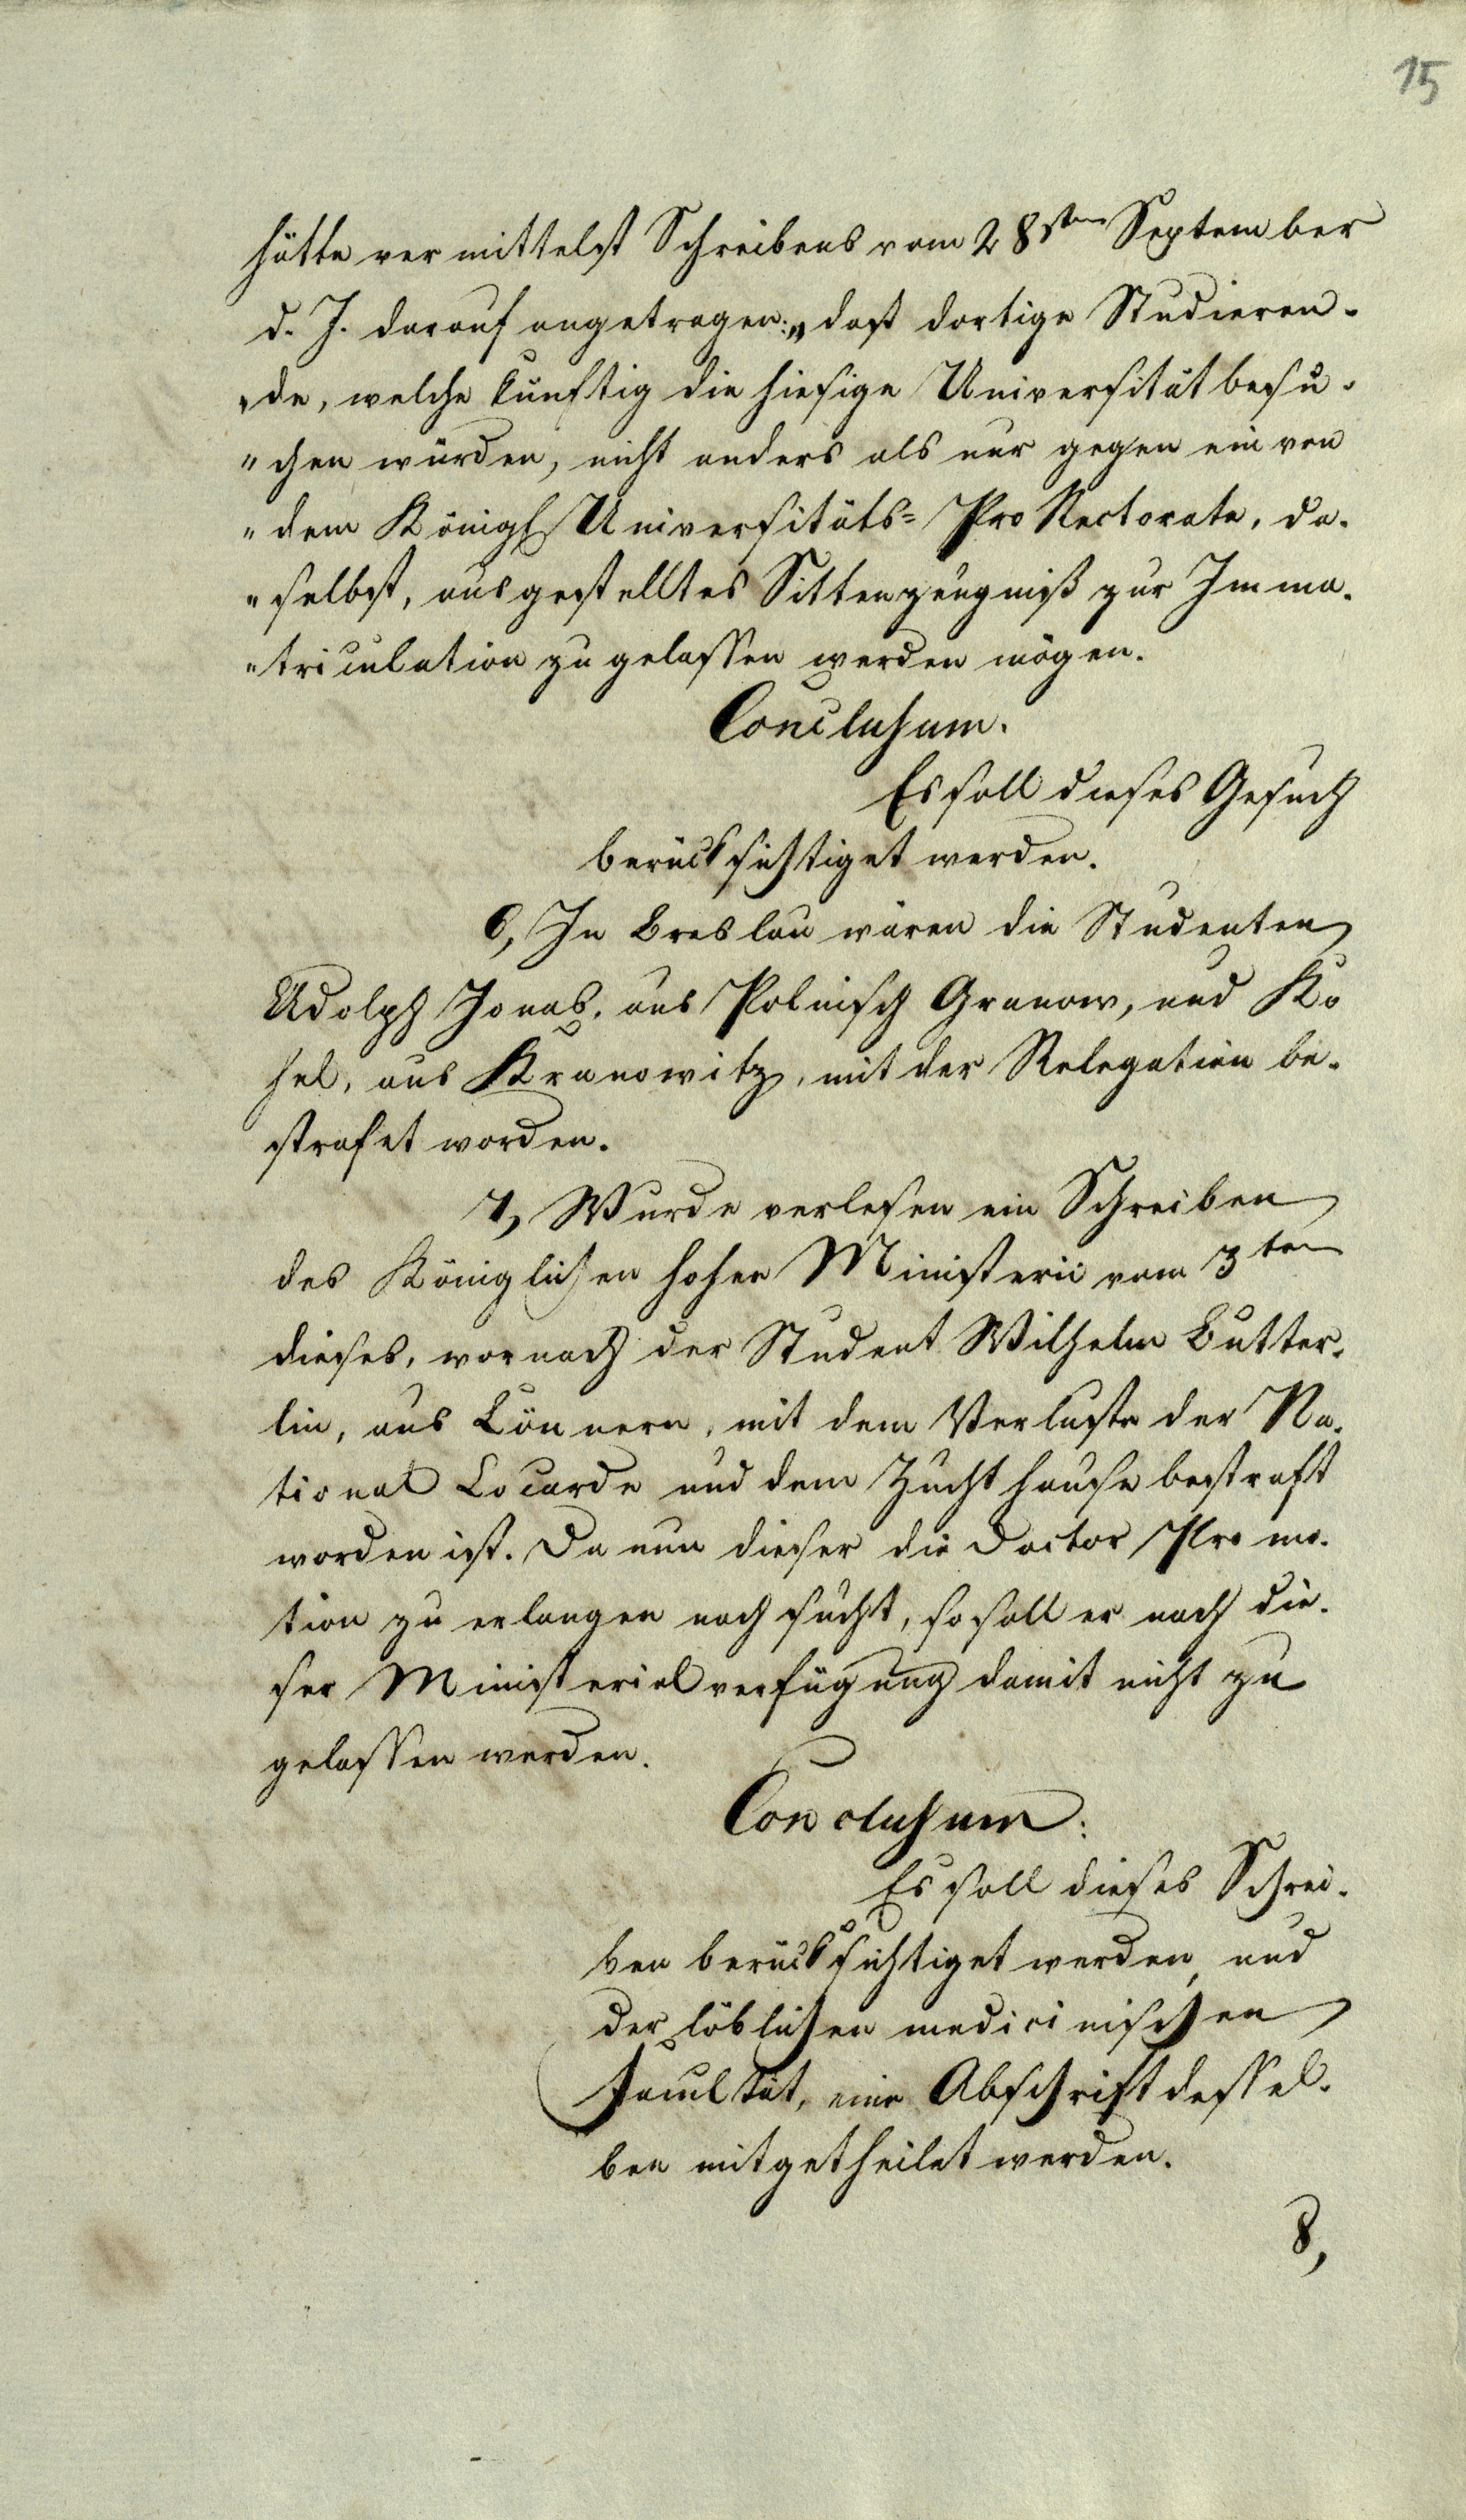hätte vermittelst Schreibens vom 28ten September
d. J. darauf angetragen:" daß dortige Studieren¬
de, welche künftig die hiesige Universität besu¬
chen würden, nicht anders als nur gegen ein von
dem Königl. Universitäts-ProRectorate, da¬
selbst, ausgestelltes Sittenzeugniß zur Imma¬
triculation zu gelassen werden mögen.
Conclusum:
Es soll dieses Gesuch
berücksichtiget werden.
6, In Breslau wären die Studenten
Adolph Jonas, aus Polnisch Granow, und Ko¬
hel, aus Kranowitz, mit der Relegation be¬
strafet worden.
7, Wurde verlesen ein Schreiben
des Königlichen hohen Ministerii vom 3ten
dieses, wornach der Student Wilhelm Butter¬
lin, aus Cönnern, mit dem Verluste der Na¬
tional Cocarde und dem Zuchthause bestraft
worden ist. Da nun dieser die Doctor Promo¬
tion zu erlangen nach sucht, so soll er nach die¬
ser Ministerialverfügung damit nicht zu
gelassen werden.
Conclusum:
Es soll dieses Schrei¬
ben berücksichtiget werden, und
der löblichen medicinischen
Facultät, ein Abschrift dessel¬
ben mitgetheilet werden.
8,